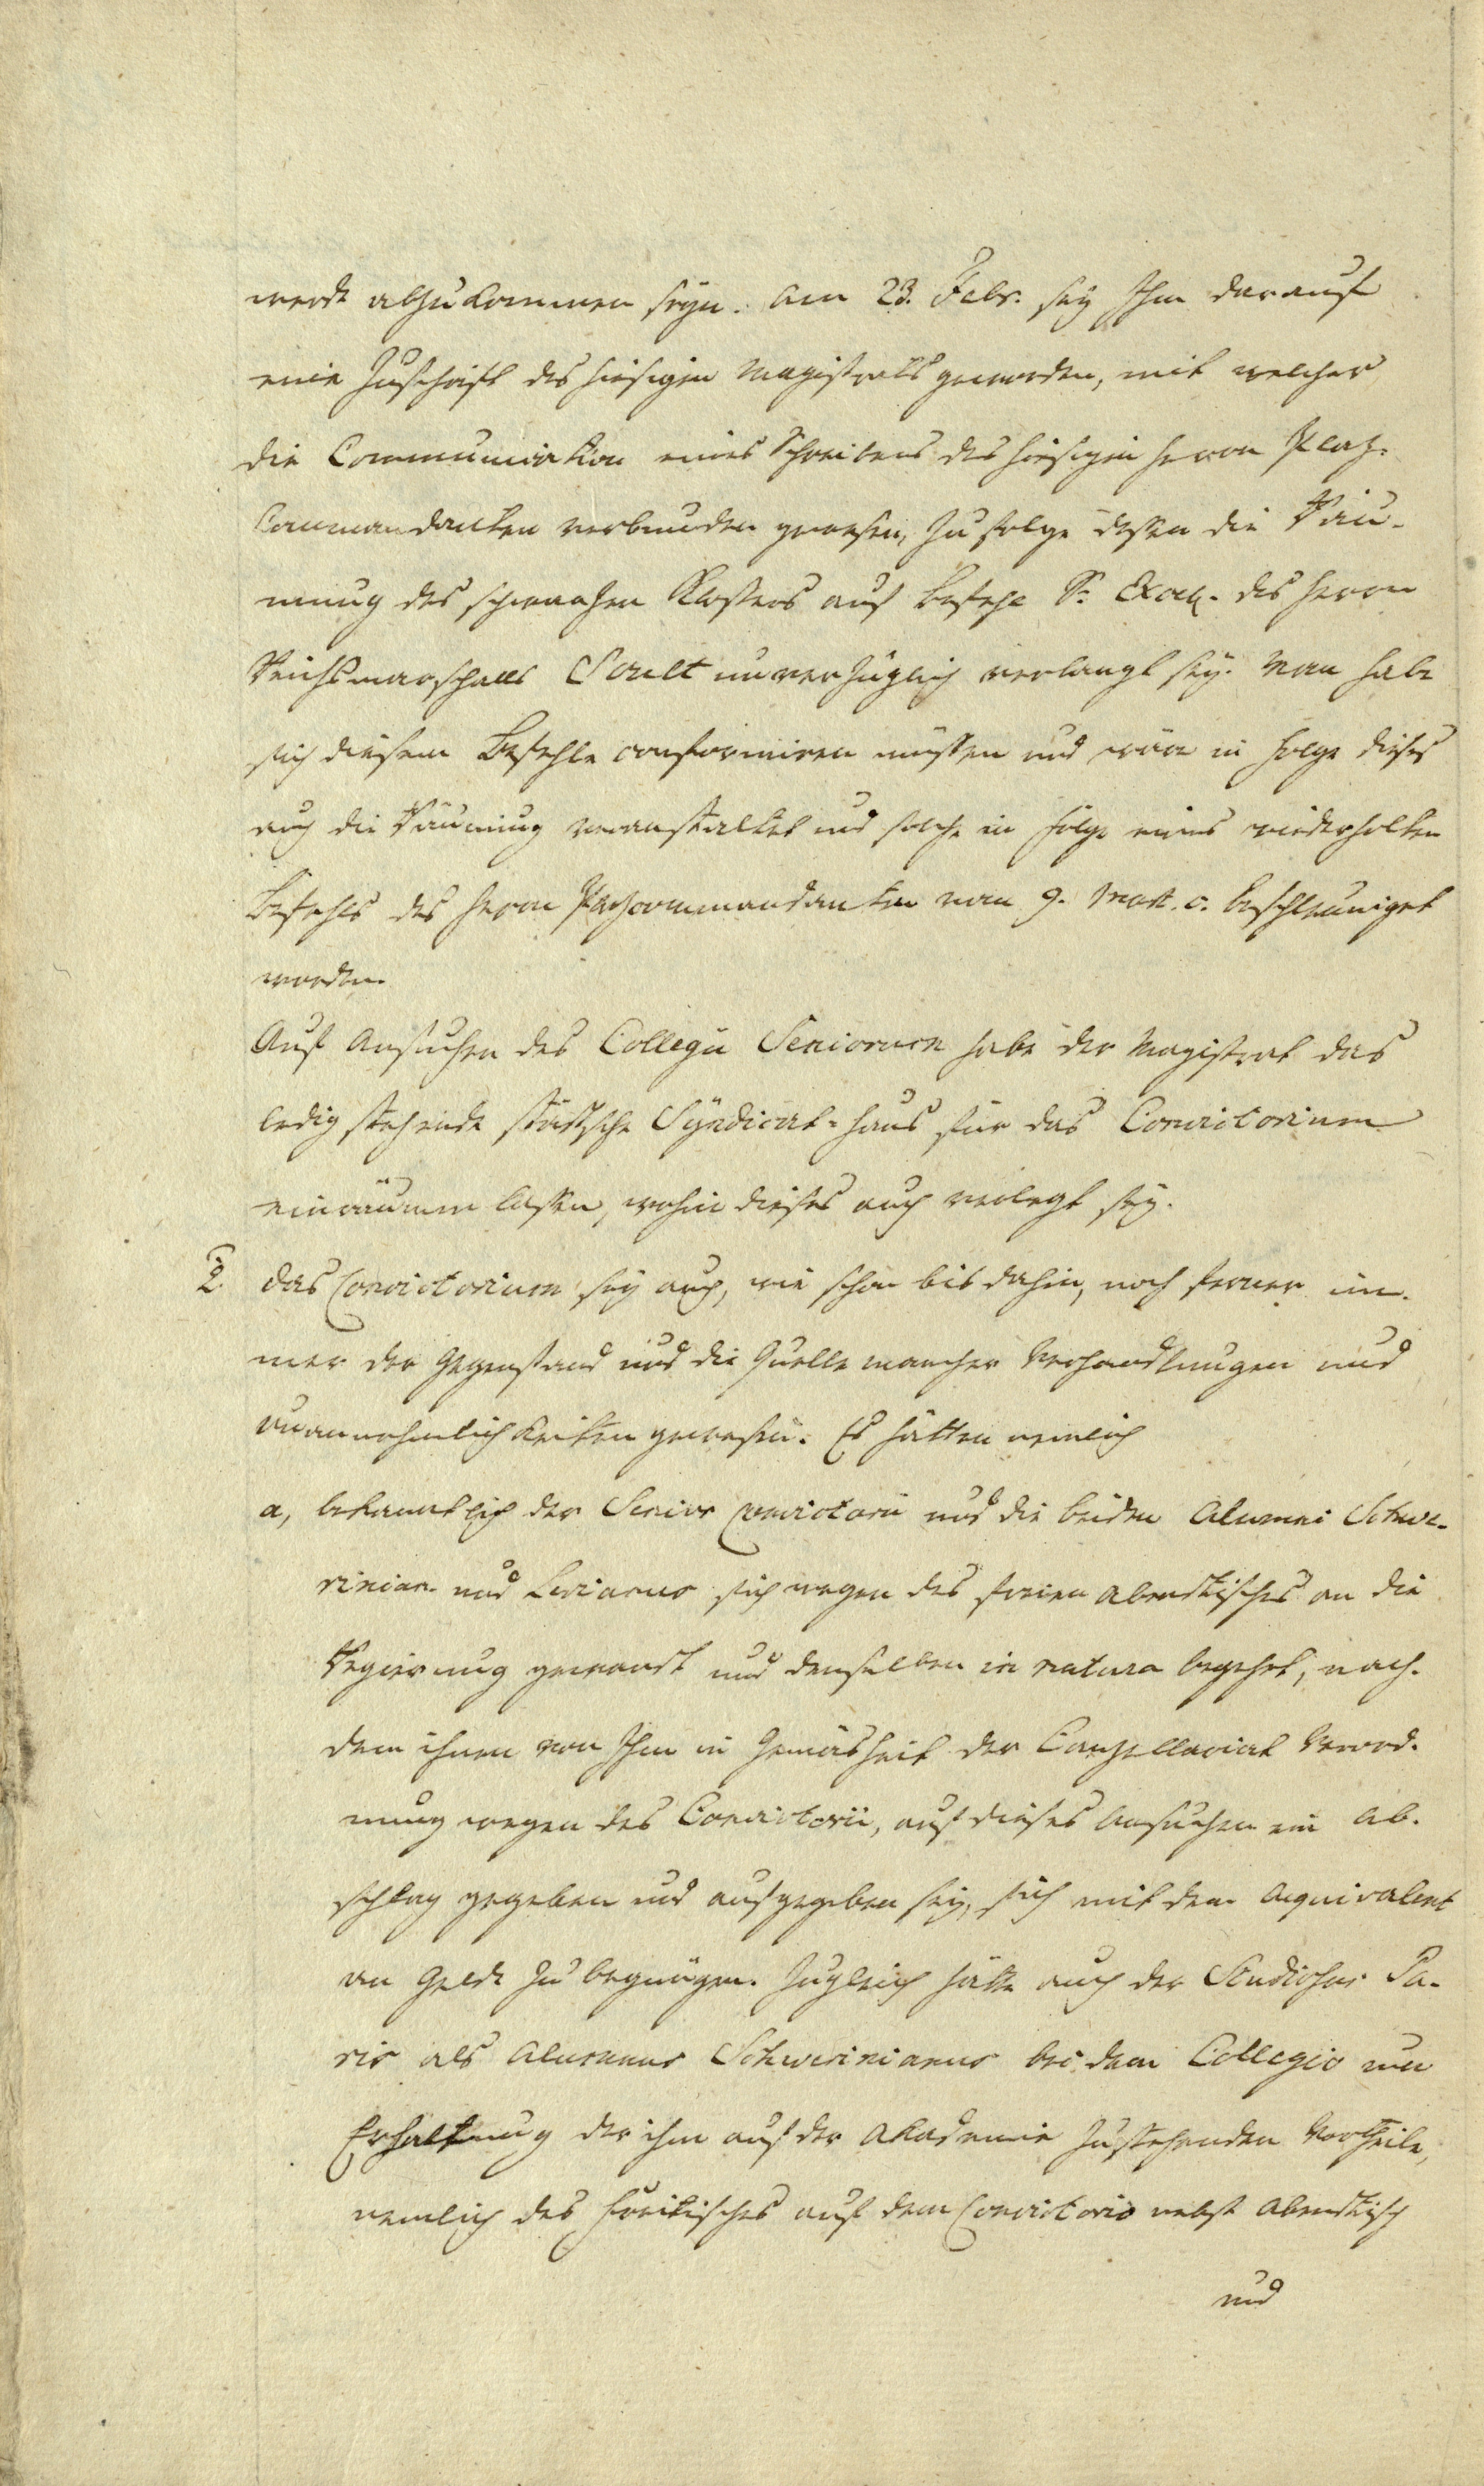werde abzukommen seÿn. Am 23. Febr. seÿ Ihm darauf
eine Zuschrift des hiesigen Magistrats geworden, mit welcher
die Communication eines Schreibens des hiesigen Herrn Plaz¬
Commandanten verbunden gewesen, zu Folge dessen die Räu¬
mung des schwarzen Klosters auf Befehl Sr. Excell. des Herrn
Reichsmarschalls Soult unverzüglich verlangt seÿ. Man habe
sich diesem Befehle conformiren müssen und wäre in Folge dieses
auch die Räumung veranstaltet und solche in Folge eines wiederholten
Befehls des Herrn Plazcommandanten vom 9. Mart c. beschleuniget
worden.
Auf Ansuchen des Collegii Seniorum habe der Magistrat das
ledig stehende städtsche Sÿndicat-Haus für das Convictorium
einräumen lassen, wohin dieses auch verlegt seÿ.
2. Das Convictorium seÿ auch, wie schon bis dahin, noch ferner im¬
mer der Gegenstand und die Quelle mancher Verhandlungen und
Unannehmlichkeiten gewesen. Es hätten nemlich
a, bekanntlich der Senior Convictorii und die beiden Alumni Schwe¬
rinian. und Levianus sich wegen des freien Abendtisches an die
Regierung gewandt und denselben in natura begehrt, nach¬
dem ihnen von Ihm in Gemäsheit der Canzellariat Verord¬
nung wegen des Convictorii, auf dieses Ansuchen ein Ab¬
schlag gegeben und aufgegeben seÿ, sich mit dem Aequivalent
an Gelde zu begnügen. Zugleich hätte auch der Studiosus Pa¬
ris als Alumnus Schwerinianus bei dem Collegio um
Erhaltung der ihm auf der Akademie zustehenden Vortheile,
nemlich des Freitisches auf dem Convictorio nebst Abendtisch
und